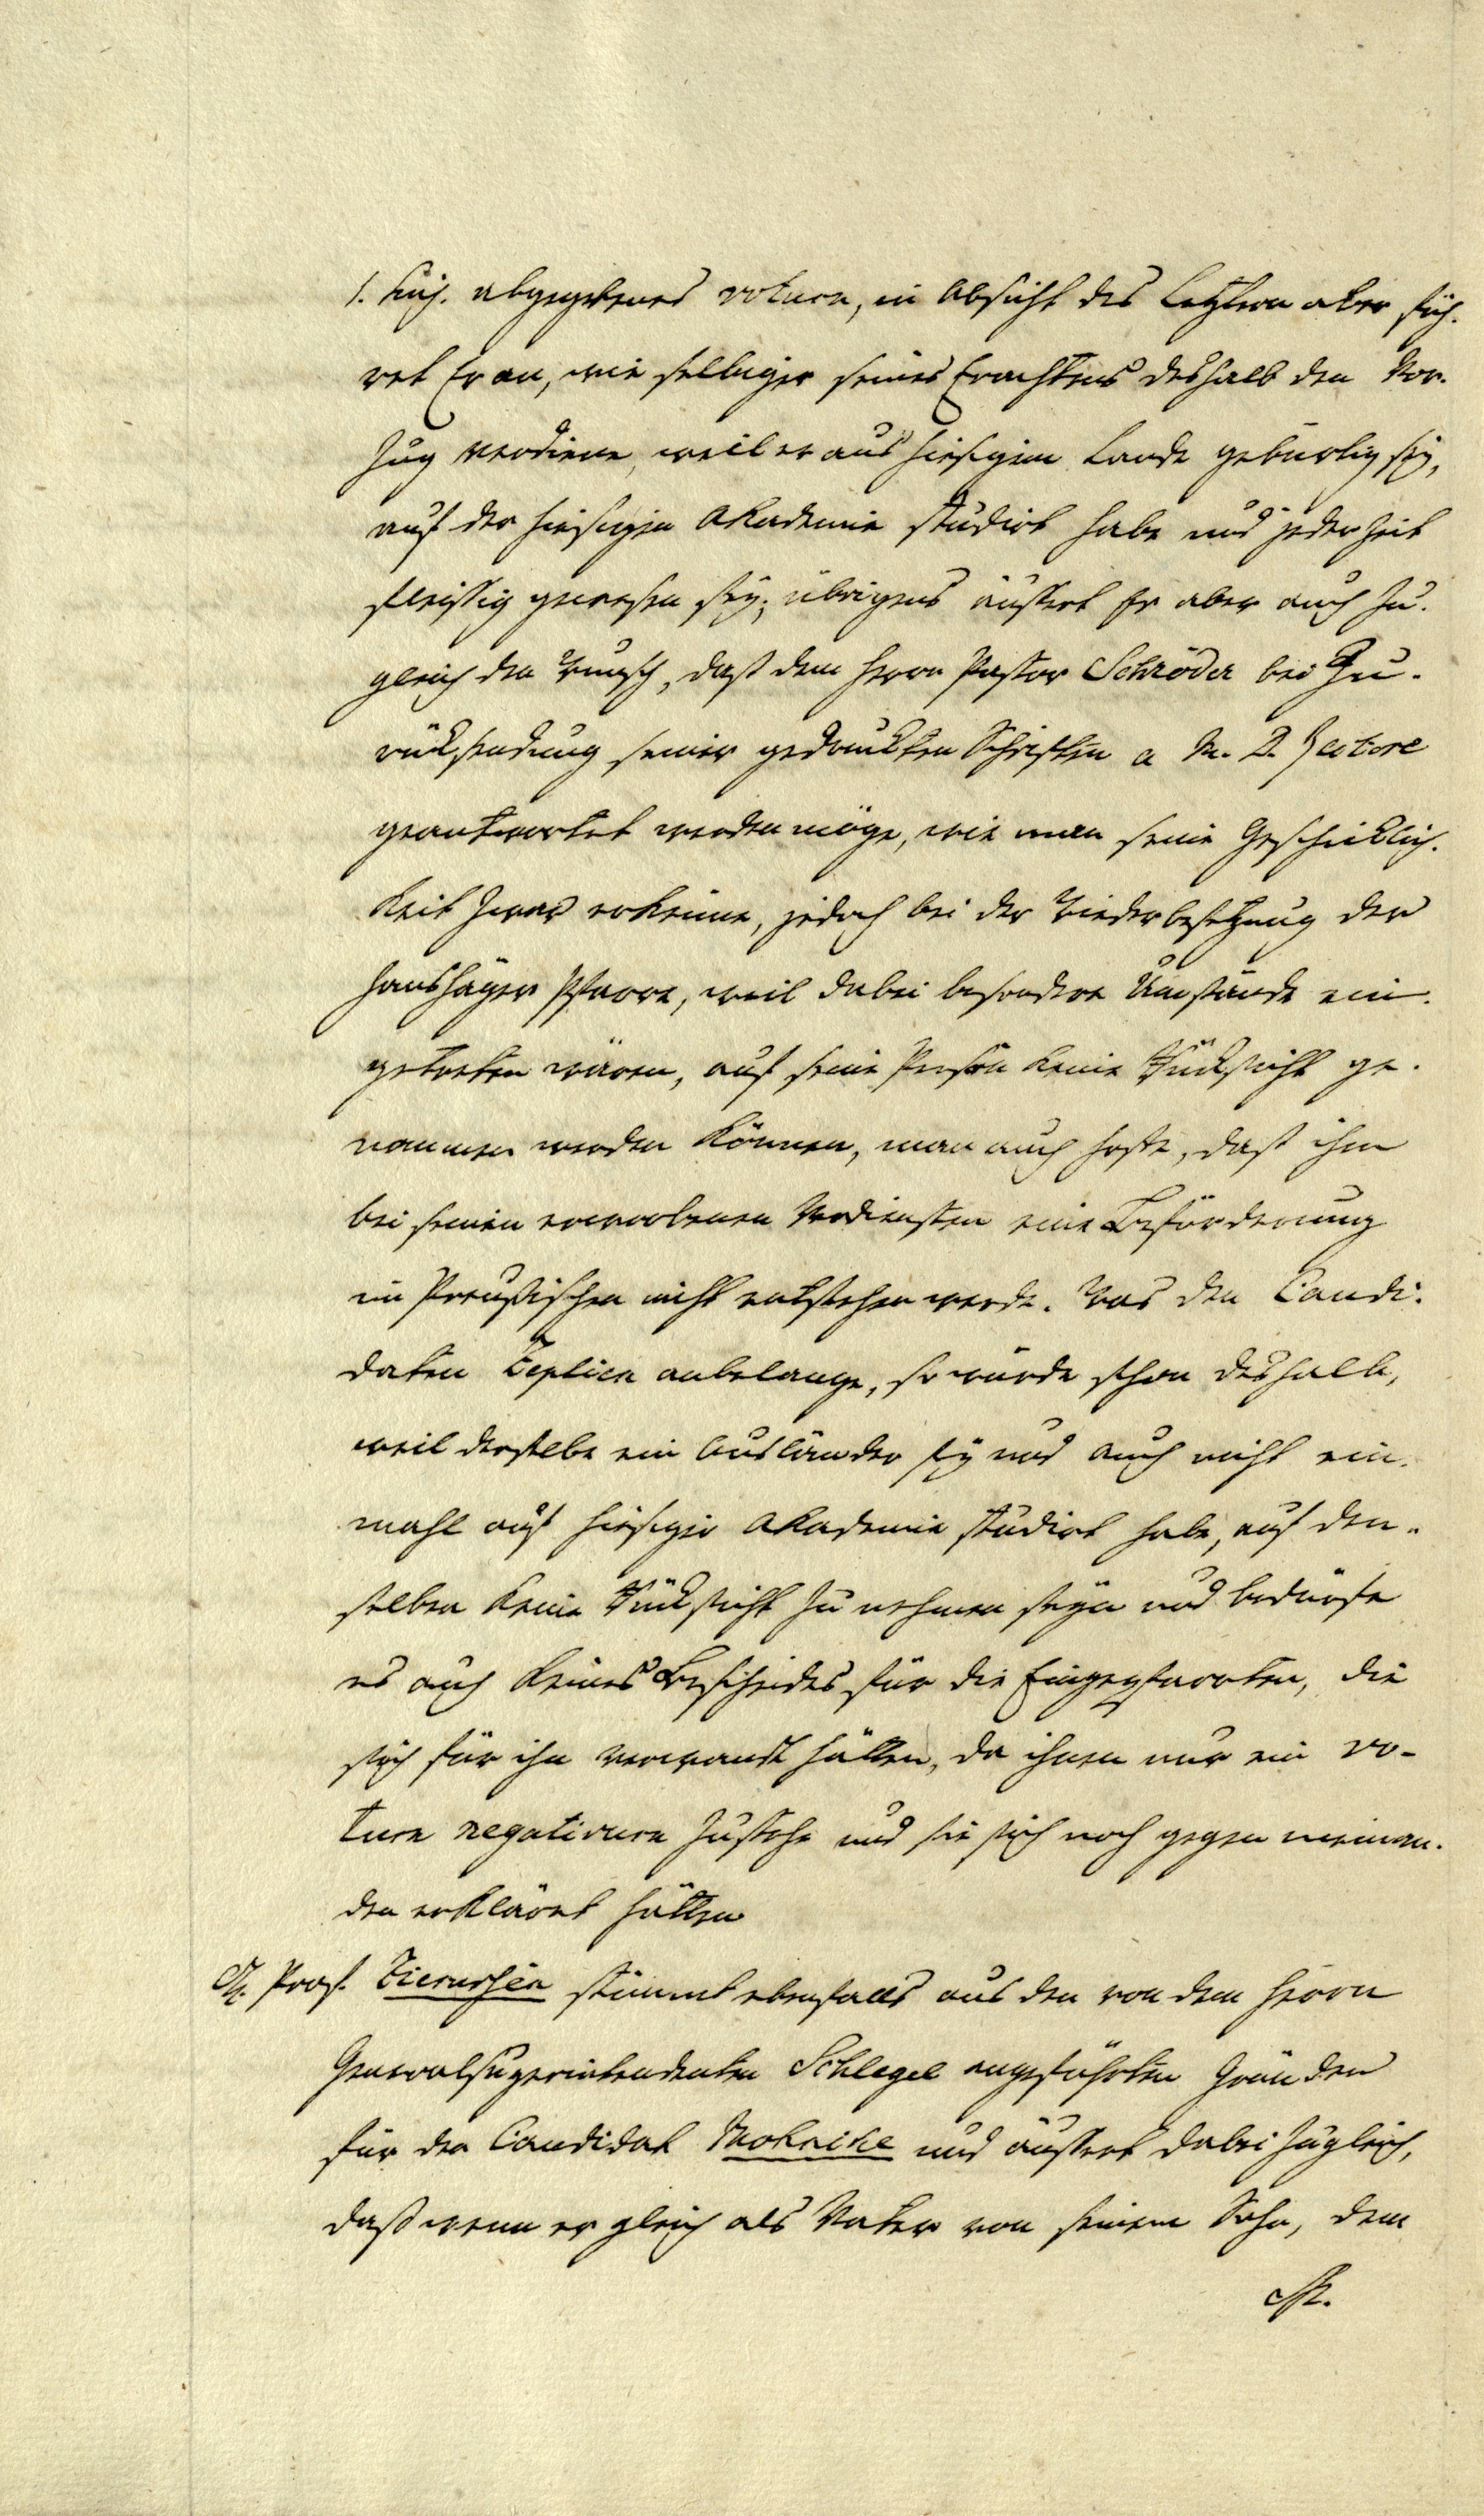1. huj. abgegebenes votum, in Absicht des letztern aber füh¬
ret Er an, wie selbiger seines Erachtens deshalb den Vor¬
zug verdiene, weil er aus hiesigem Lande gebürtig seÿ,
auf der hiesigen Akademie studiert habe und jeder Zeit
fleissig gewesen seÿ; übrigens äussert Er aber auch zu¬
gleich den Wunsch, daß dem herrn Pastor Schröder bei Zu¬
rücksendung seiner gedruckten Schriften a M. D. Rectore
geantwortet werden möge, wie man seine Geschicklich¬
keit zwar erkenne, jedoch bei der Wiederbesetzung der
hanshäger Pfarre, weil dabei besondere Umstände ein¬
getreten wären, auf seine Person keine Rücksicht ge¬
nommen werden können, man auch hoft, daß ihm
bei seinen erworbenen Verdiensten eine Beförderung
im Preußischen nicht entstehen werde. Was den Candi¬
daten Zeplien anbelange, so würde schon deshalb,
weil derselbe ein Ausländer seÿ und auch nicht ein¬
mahl auf hiesiger Akademie studirt habe, auf den¬
selben keineRücksicht zu nehmen seÿn und bedürfe
es auch keines Bescheides für die Eingepfarrten, die
sich für ihn verwandt hätten, da ihnen nur ein vo¬
tum negativum zustehe und sie sich noch gegen
den erkläret hätten.
dh. Prof. Ziemssen stimmt ebenfalls aus den von dem herrn
Generalsuperintendenten Schlegel angeführten Gründen
für den Candidat Mohnike und äussert dabei zugleich
daß wenn er gleich als Vater von seinem Sohn, dem
M.